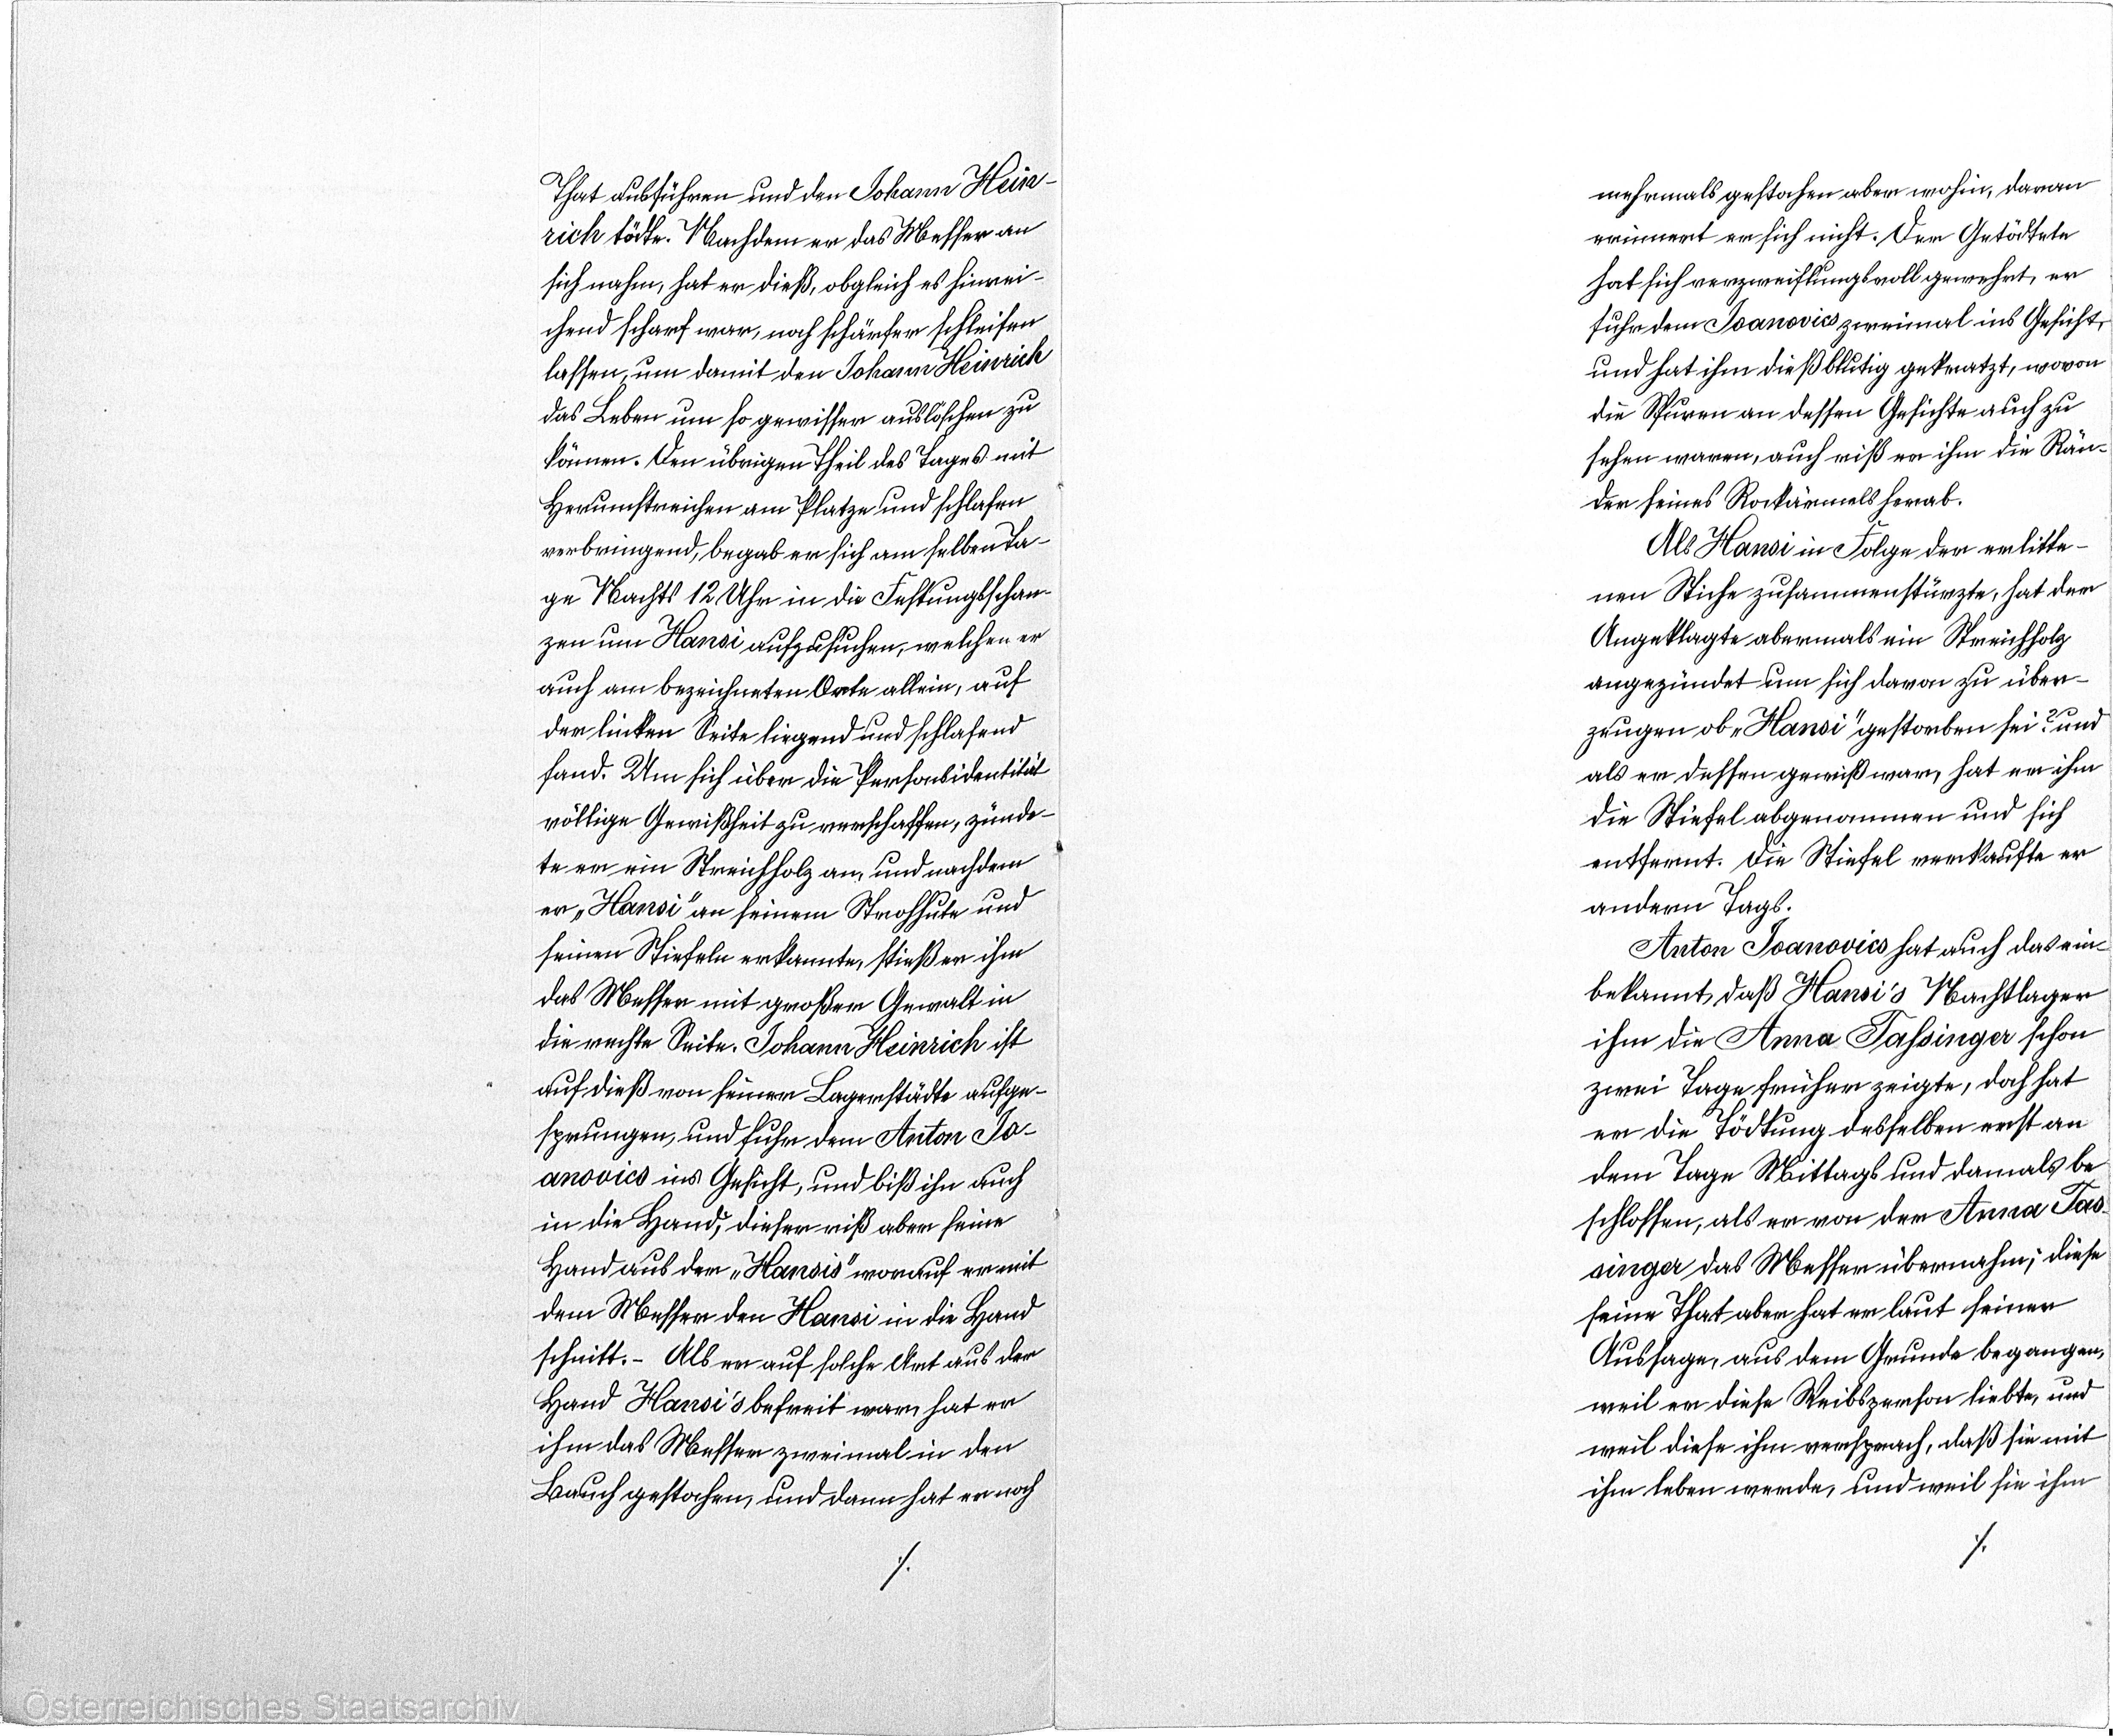That ausführen und den Johann Hein¬
rich tödte. Nachdem er das Messer an
sich nahm, hat er dieß, obgleich es hinrei¬
chend scharf war, noch schärfer schleifen
lassen, um damit den Johann Heinrich
das Leben um so gewisser auslöschen zu
können. Den übrigen Theil des Tages mit
Herumstreichen am Platze und schlafen
verbringend, begab er sich am selben Ta¬
ge Nachts 12 Uhr in die Festungsschan¬
zen um Hansi aufzusuchen, welchen er
auch am bezeichneten Orte allein, auf
der linken Seite liegend und schlafend
fand. Um sich über die Personsidentität
völlige Gewißheit zu verschaffen, zünde¬
te er ein Streichholz an, und nachdem
er „Hansi“ an seinem Strohhute und
seinen Stiefeln erkannte, stieß er ihm
das Messer mit großer Gewalt in
die rechte Seite. Johann Heinrich ist
auf dieß von seiner Lagerstädte aufge¬
sprungen, und fuhr dem Anton Jo¬
anovics ins Gesicht und biß ihn auch
in die Hand, dieser riß aber seine
Hand aus der „Hansis“ worauf er mit
dem Messer den Hansi in die Hand
schnitt. Als er auf solche Art aus der
Hand Hansi’s befreit war hat er
ihm das Messer zweimal in den
Bauch gestochen, und dann hat er noch
mehrmals gestochen aber wohin, daran
erinnert er sich nicht. Der Getödtete
hat sich verzweiflungsvoll gewehrt, er
fuhr dem Ioanovics zweimal ins Gesicht,
und hat ihm dieß blutig gekratzt, wovon
die Spuren an dessen Gesichte auch zu
sehen waren, auch riß er ihm die Rän¬
der seines Rockärmels herab.
Als Hansi in Folge der erlitte¬
nen Stiche zusammenstürzte, hat der
Angeklagte abermals ein Streichholz
angezündet um sich davon zu über¬
zeugen ob „Hansi“ gestorben sei? Und
als er dessen gewiß war, hat er ihm
die Stiefel abgenommen und sich
entfernt. Die Stiefel verkaufte er
andern Tags.
Anton Ioanovics hat auch das ein¬
bekannt, daß Hansi’s Nachtlager
ihm die Anna Tassinger schon
zwei Tage früher zeigte, doch hat
er die Tödtung desselben erst an
dem Tage Mittags und damals be¬
schlossen, als er von der Anna Tas¬
singer das Messer übernahm, diese
seine That aber hat er laut seiner
Aussage, aus dem Grunde begangen,
weil er diese Weibsperson liebte, und
weil diese ihm versprach, daß sie mit
ihm leben werde, und weil sie ihm